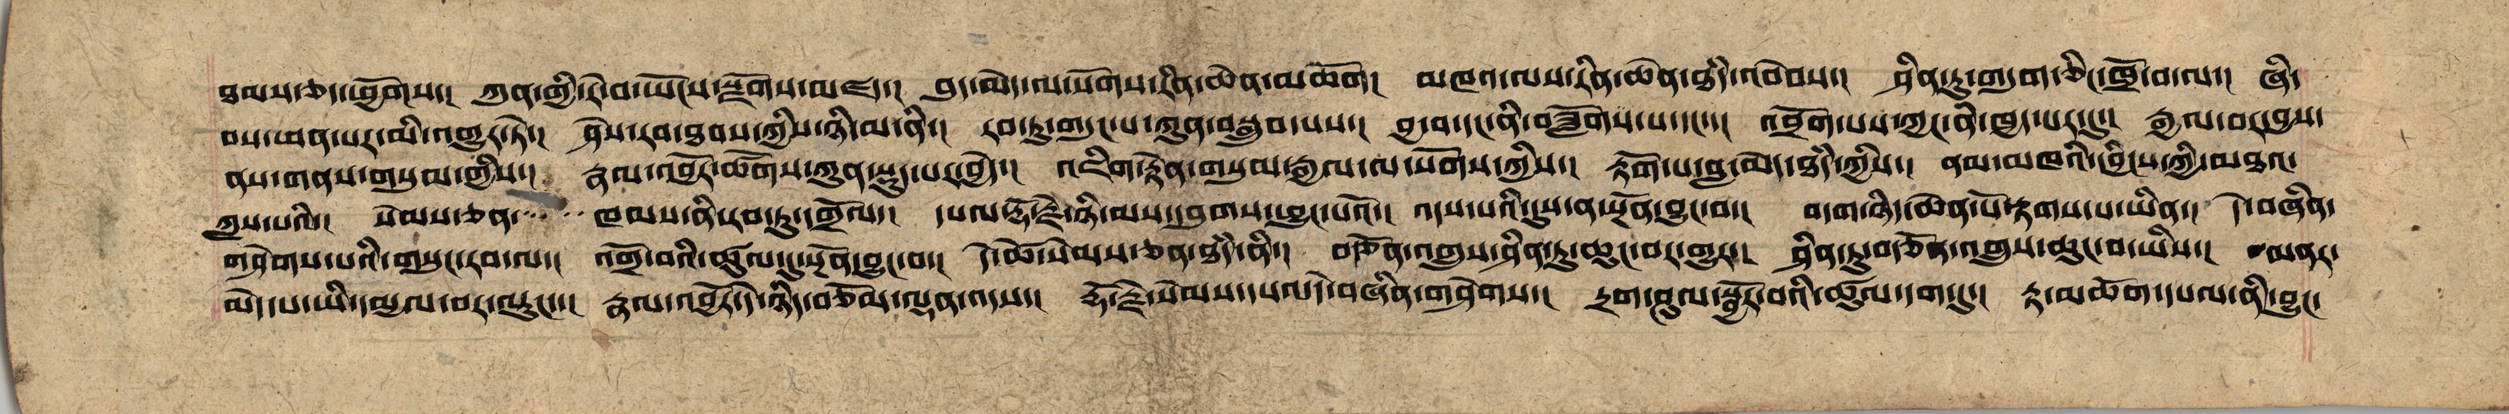ཐམས་ཅད་ཕྱོགས་། ཀུན་གྱི་རེ་བ་ཡོངས་སྫོགས་མཛད་། བུད་མེད་ལ་སོགས་རིན་ཆེན་མཆོག། མཁའ་ལ་རིན་ཆེན་ཐཾད་འབེབས་། ཤིན་ཏུ་གདུག་ཅིང་ཁྲོ་བ་ལ་། ཞི་
བས་ཕན་པར་མི་འགྱུར་ཏེ་། ཤེས་རབ་ཐབས་ཀྱིས་ཉི་མ་ནི་། རབ་ཏུ་གདུང་པ་ཀུན་བསྒྲུབ་པས་། བྱ་བ་དང་ནི་བཟློག་པ་དང་་། འབྲོག་པས་ཀྱང་ནི་ཁྱད་པར་དུ་། རྒྱལ་བར་བྱས་
ནས་གནས་གསུམ་གྱིས་། རྣལ་འབྱོར་ཚོགས་ཀུན་སྡུད་པར་བྱེད་། འཇིག་རྟེན་གསུམ་རྒྱལ་ལ་སོགས་ཀྱིས་། རྟོག་པ་བླ་མེད་ཐཾད་ཀྱིས་། ནམ་མཁའི་དབྱིངས་ཀི་མཐའ་
ཀླས་པའི་། སེམས་ཅན་ ཁམས་ནི་རབ་ཏུ་དགྲོལ་། དཔལ་རྡོ་རྗེ་ཉི་མས་དབུགས་ཕྱུང་པའོ་། འདས་པའི་དུས་ན་སྔོན་བྱུང་བ་། བདག་ཉིད་ཆེན་པོ་རྟགས་པ་ཡིན་། དེ་བཞིན་
གཤེགས་པའི་གསུང་རབ་ལ་། འགྲོ་བའི་ཚུལ་དུ་སྔོན་བྱུང་བ་། དེ་ཚེ་སེམས་ཅན་ཐཾད་ནི་། བརྩོན་འགྲུས་ཤིན་ཏུ་ཆུང་བར་གྱུར་། ཤིན་ཏུ་བརྩོན་འགྲུས་ཆུང་བ་ཡིས་། མནར་
མེད་པ་ཡི་དམྱལ་བར་ལྟུང་་། རྣལ་འབྱོར་དེ་ཉིད་བཅོམ་ལྡན་འདས་། རྡོ་རྗེ་སེམས་དཔའ་དེ་བཞིན་གཤེགས་། དྲག་ཤུལ་སྦྱོར་བའི་ཚུལ་དག་དུ་། རྟ་མཆོག་དཔལ་ནི་བྱུང་